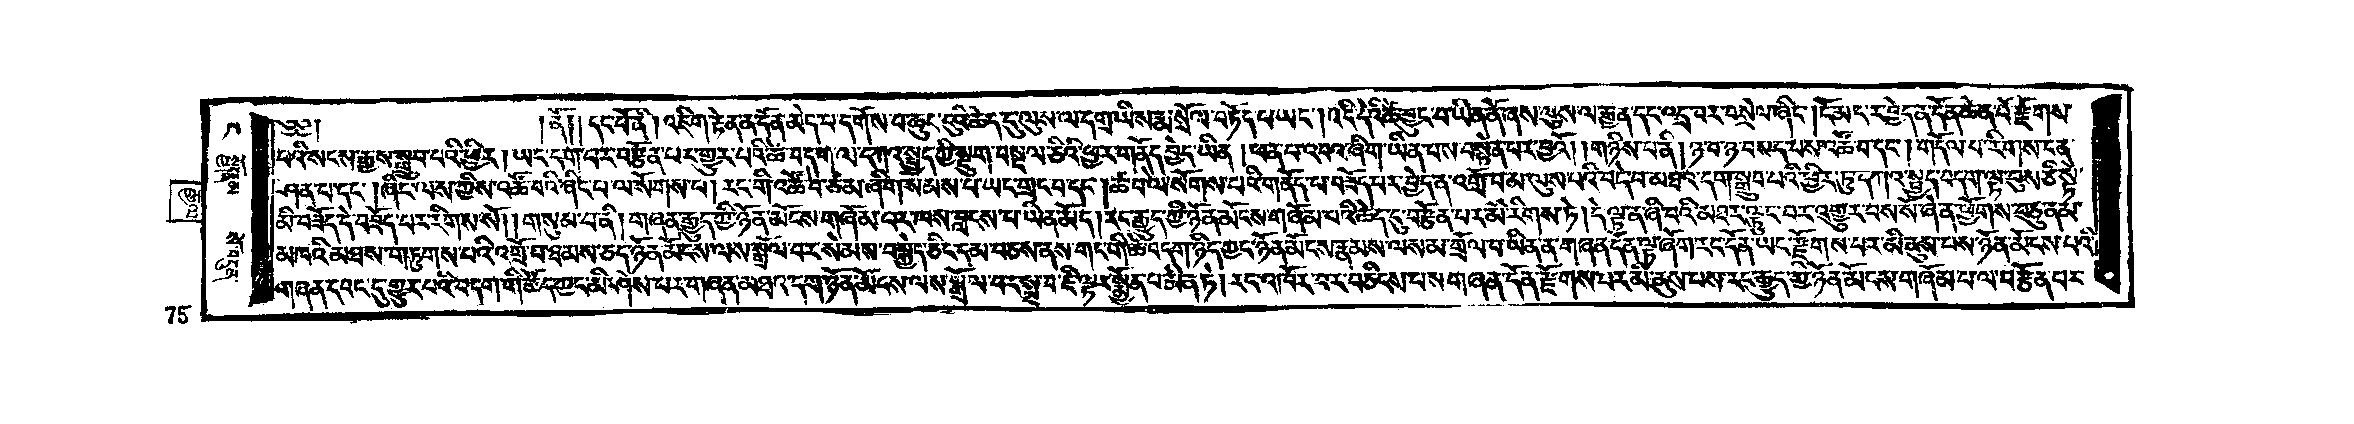༄༅། །ནོ༑ ༑ དང་པོ་ནི། འཇིག་རྟེན་ན་དོན་མེད་པ་དགོས་པ་ཆུང་ངུའི་ཆེད་དུ་ལུས་ལ་དགྲ་ཡིས་རྨ་སྲོལ་བཏོད་པ་ཡང་། འདི་དེའི་ཚེ་བྱུང་བ་ཡིན་ནོ། ཞེས་ལུས་ལ་རྒྱན་དང་འདྲ་བར་བསྲེལ་ཞིང་། དོམ་པར་བྱེད་ན་དོན་ཆེན་པོ་རྫོགས་པོ་རྫོགས་
པའི་སངས་རྒྱས་སྒྲུབ་པའི་ཕྱིར། ཡང་དག་པར་བརྩོན་པར་གྱུར་པའི་ཚེ་བདག་ལ་དཀའ་སྤྱད་ཀྱི་སྡུག་བསྔལ་ཅིའི་ཕྱིར་གནོད་བྱེད་ཡིན། ཕན་པ་འབའ་ཞིག་ཡིན་པས་བསྟེན་པར་བྱའོ། །གཉིས་པ་ནི། ཉ་བ་ཉ་བསད་པས་འཚོ་བ་དང་། གདོལ་པ་རིགས་ངན་
ཤན་པ་དང་། ཞིང་ལས་ཀྱིས་འཚོ་བའི་ཞིང་པ་ལ་སོགས་པ། རང་གི་འཚོ་བ་ཙམ་ཞིག་སེམས་པ་ཡང་གྲང་བ་དང་། ཚ་བ་ལེ་སོགས་པའི་གནོད་པ་བཟོད་པར་བྱེད་ན་འགྲོ་བ་མ་ལུས་པའི་བདེ་བ་མཐའ་དག་སྒྲུབ་པའི་ཕྱིར་ཏུ་དཀའ་སྤྱད་བདག་ལྟ་བུས་ཅི་སྟེ་
མི་བཟོད་དེ་བཟོད་པར་རིགས་སོ། །གསུམ་པ་ནི། གཞན་རྒྱུད་ཀྱི་ཉོན་མོངས་གཞོམ་བར་ཁས་བླངས་པ་ཡིན་མོད། རང་རྒྱུད་ཀྱི་ཉོན་མོངས་གཞོམ་པའི་ཆེད་དུ་བརྩོན་པར་མི་རིགས་ཏེ། དེ་ལྟར་ན་ཞི་བའི་མཐར་ལྟུང་བར་འགྱུར་བས་སོ་ཞེ་ན་ཕྱོགས་བཅུ་ནམ་
མཁའི་མཐས་གཏུགས་པའི་འགྲོ་བ་ཐམས་ཅད་ཉོན་མོངས་ལས་སྒྲོལ་བར་སེམས་བསྐྱེད་ཅིང་དམ་བཅས་ནས་གང་གི་ཚེ་བདག་ཉིད་ཀྱང་ཉོན་མོངས་རྣམས་ལས་མ་གྲོལ་བ་ཡིན་ན་གཞན་དོན་ལྟ་ཞོག་རང་དོན་ཡང་རྫོགས་པར་མི་ནུས་པས་ཉོན་མོངས་པའི་
གཞན་དབང་དུ་གྱུར་པའི་བདག་གི་ཚེད་ཀྱང་མི་ཤེས་པར་གཞན་མཐའ་དག་ཉོན་མོངས་ལས་སྒྲོལ་བར་སྨྲ་བ་ཇི་ལྟར་སྨྱོན་པ་མིན་ཏེ། རང་འཁོར་བར་བཅིངས་པས་གཞན་དོན་རྫོགས་པར་མི་ནུས་པས་རང་རྒྱུད་ཀྱི་ཉོན་མོངས་གཞོམ་པ་ལ་བརྩོན་པར་